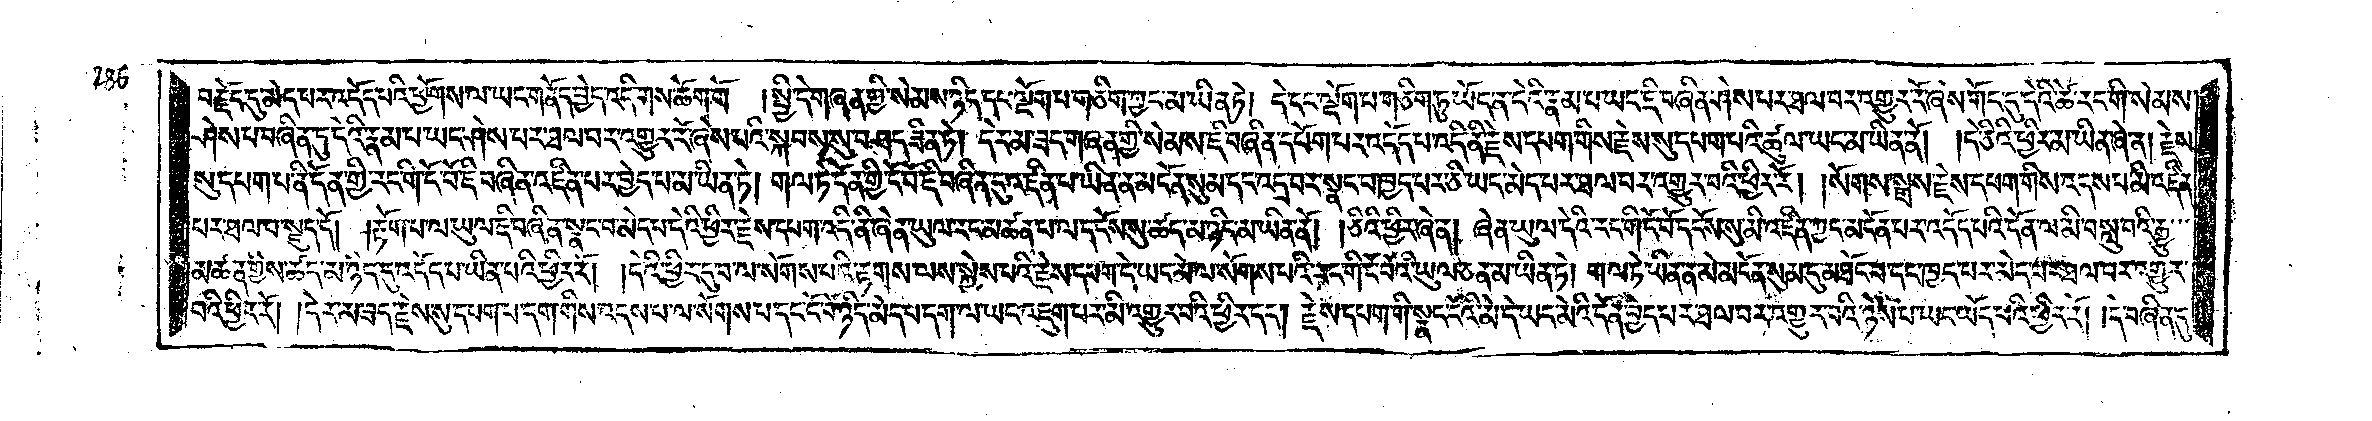བརྗོད་དུ་མེད་པར་འདོད་པའི་ཕྱོགས་ལ་ཡང་གནོད་བྱེད་འདི་གས་ཆོག་གོ །སྤྱི་དེ་གཞན་གྱི་སེམས་ཉིད་དང་ལྡོག་པ་གཅིག་ཀྱང་མ་ཡིན་ཏེ། དེ་དང་ལྡོག་པ་གཅིག་ཏུ་ཡོད་ན་དེའི་རྣམ་པ་ཡང་ཇི་བཞིན་ཤེས་པར་ཐལ་བར་འགྱུར་རོ་ཞེས་གོང་དུ་དེའི་ཚེ་རང་གི་སེམས་
ཤེས་པ་བཞིན་དུ་དེའི་རྣམ་པ་ཡང་ཤེས་པར་ཐལ་བར་འགྱུར་རོ་ཞེས་པའི་སྐབས་སུ་བཤད་ཟིན་ཏེ། དེར་མ་ཟད་གཞན་གྱི་སེམས་ཇི་བཞིན་དཔོག་པར་འདོད་པ་འདི་ནི་རྗེས་དཔག་གིས་རྗེས་སུ་དཔག་པའི་ཚུལ་ཡང་མ་ཡིན་ནོ། །དེ་ཅིའི་ཕྱིར་མ་ཡིན་ཞེ་ན། རྗེས་
སུ་དཔག་པ་ནི་དོན་གྱི་རང་གི་ངོ་བོ་ཇི་བཞིན་འཛིན་པར་བྱེད་པ་མ་ཡིན་ཏེ། གལ་ཏེ་དོན་གྱི་ངོ་བོ་ཇི་བཞིན་དུ་འཛིན་པ་ཡིན་ན་མངོན་སུམ་དང་འདྲ་བར་སྣང་བ་ཁྱད་པར་ཅི་ཡང་མེད་པར་ཐལ་བར་འགྱུར་བའི་ཕྱིར་རོ། །སོགས་སྒྲས་རྗེས་དཔག་གིས་འདས་པ་མི་འཛིན་
པར་ཐལ་བ་སྡུད་དོ། །རྟོག་པ་ལ་ཡུལ་ཇི་བཞིན་སྣང་བ་མེད་པ་དེའི་ཕྱིར་རྗེས་དཔག་འདི་ནི་ཞེན་ཡུལ་རང་མཚན་པ་ལ་དངོས་སུ་ཚད་མ་ཉིད་མ་ཡིན་ནོ། །ཅིའི་ཕྱིར་ཞེ་ན། ཞེན་ཡུལ་དེའི་རང་གི་ངོ་བོ་དངོས་སུ་མི་འཛིན་ཀྱང་མངོན་པར་འདོད་པའི་དོན་ལ་མི་བསླུ་བའི་རྒྱུ་
མཚན་གྱིས་ཚད་མ་ཉིད་དུ་འདོད་པ་ཡིན་པའི་ཕྱིར་རོ། །དེའི་ཕྱིར་དུ་བ་ལ་སོགས་པའི་རྟགས་ལས་སྐྱེས་པའི་རྗེས་དཔག་དེ་ཡང་མེ་ལ་སོགས་པའི་རང་གི་ངོ་བོའི་ཡུལ་ཅན་མ་ཡིན་ཏེ། གལ་ཏེ་ཡིན་ན་མེ་མངོན་སུམ་དུ་མཐོང་བ་དང་ཁྱད་པར་མེད་པར་ཐལ་བར་འགྱུར་
བའི་ཕྱིར་རོ། །དེར་མ་ཟད་རྗེས་སུ་དཔག་པ་དག་གིས་འདས་པ་ལ་སོགས་པ་དང་ངོ་བོ་ཉིད་མེད་པ་དག་ལ་ཡང་འཇུག་པར་མི་འགྱུར་བའི་ཕྱིར་དང་། རྗེས་དཔག་གི་སྣང་ངོའི་མེ་དེ་ཡང་མེའི་དོན་བྱེད་པར་ཐལ་བར་འགྱུར་བའི་ཉེས་པ་ཡང་ཡོད་པའི་ཕྱིར་རོ། །དེ་བཞིན་དུ་